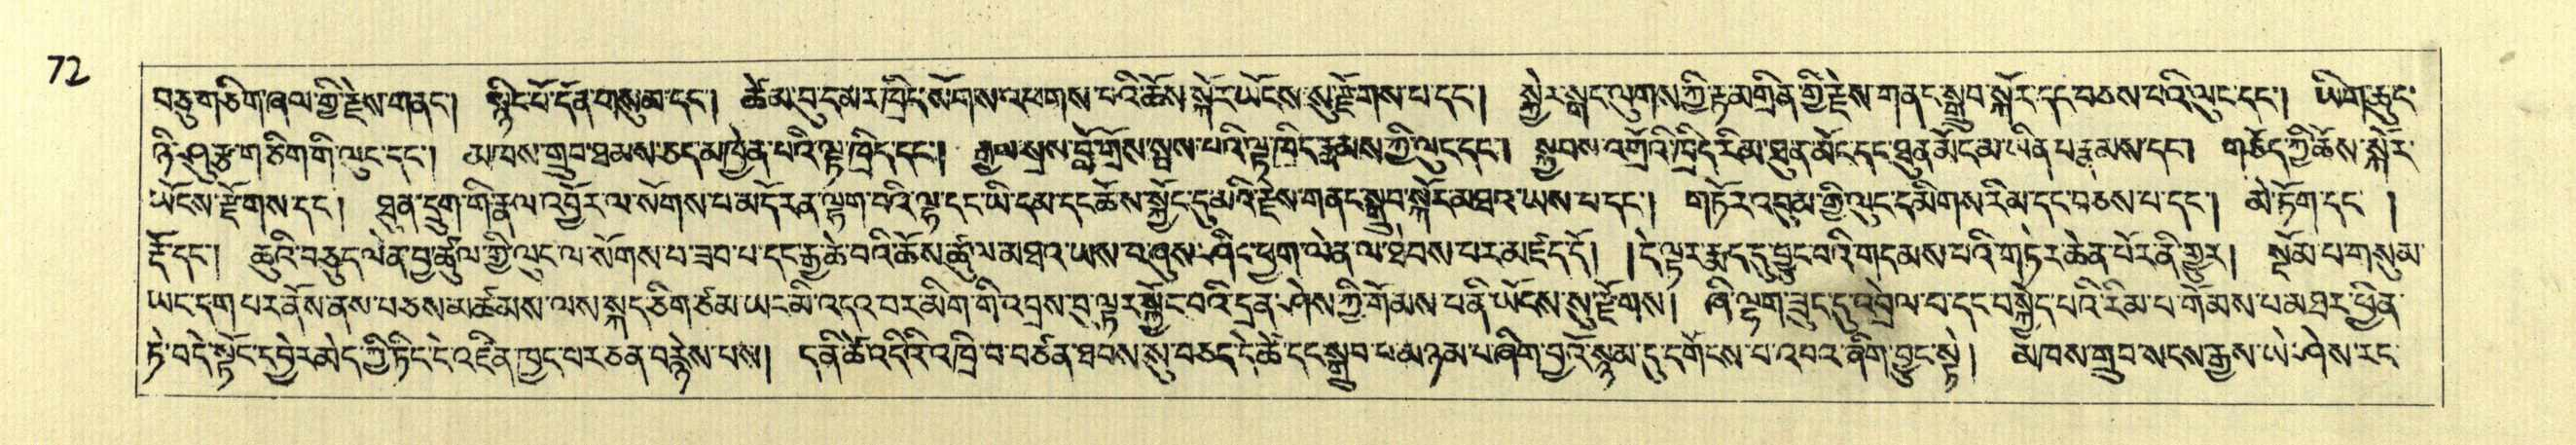བཅུ་གཅིག་ཞལ་གྱི་རྗེས་གནང་། སྙིང་པོ་དོན་གསུམ་དང་། ཚེམ་བུ་དམར་ཁྲིད་སོགས་འཕགས་པའི་ཆོས་སྐོར་ཡོངས་སུ་རྫོགས་པ་དང་། སྐྱེར་སྒང་ལུགས་ཀྱི་རྟ་མགྲིན་གྱི་རྗེས་གནང་སྒྲུབ་སྐོར་དང་བཅས་པའི་ལུང་དང་། ཡིག་ཆུང་
ཉི་ཤུ་རྩ་གཅིག་གི་ལུང་དང་། མཁས་གྲུབ་ཐམས་ཅད་མཁྱེན་པའི་ལྟ་ཁྲིད་དང་། རྒྱལ་སྲས་བློ་གྲོས་སྦས་པའི་ལྟ་ཁྲིད་རྣམས་ཀྱི་ལུང་དང་། སྐྱབས་འགྲོའི་ཁྲིད་རིམ་ཐུན་མོང་དང་ཐུན་མོང་མ་ཡིན་པ་རྣམས་དང་། གཅོད་ཀྱི་ཆོས་སྐོར་
ཡོངས་རྫོགས་དང་། ཐུན་དྲུག་གི་རྣལ་འབྱོར་ལ་སོགས་པ་མདོར་ན་ལྷག་བའི་ལྷ་དང་ཡི་དམ་དང་ཆོས་སྐྱོང་དུ་མའི་རྗེས་གནང་སྒྲུབ་སྐོར་མཐའ་ཡས་པ་དང་། གཏོར་འབུམ་གྱི་ལུང་དམིགས་རིམ་དང་བཅས་པ་དང་། མེ་ཏོག་དང་།
རྡོ་དང་། ཆུའི་བཅུད་ལེན་བྱ་ཚུལ་གྱི་ལུང་ལ་སོགས་པ་ཟབ་པ་དང་རྒྱ་ཆེ་བའི་ཆོས་ཚུལ་མཐའ་ཡས་བ་ཞུས་ཤིང་ཕྱག་ལེན་ལ་ཐེབས་པར་མཛད་དོ། །དེ་ལྟར་རྨད་དུ་བྱུང་བའི་གདམས་པའི་གཏེར་ཆེན་པོར་ནི་གྱུར། སྡོམ་པ་གསུམ་
ཡང་དག་པར་ནོས་ནས་བཅས་མཚམས་ལས་སྐད་ཅིག་ཙམ་ཡང་མི་འདའ་བར་མིག་གི་འབྲས་བུ་ལྟར་སྐྱོང་བའི་དྲན་ཤེས་ཀྱི་གོམས་པ་ནི་ཡོངས་སུ་རྫོགས། ཞི་ལྷག་ཟུང་དུ་འབྲེལ་བ་དང་བསྐྱེད་པའི་རིམ་པ་གོམས་པ་མཐར་ཕྱིན་
ཏེ་བདེ་སྟོང་དབྱེར་མེད་ཀྱི་ཏིང་ངེ་འཛིན་ཁྱད་པར་ཅན་བརྙེས་པས། ད་ནི་ཚེ་འདིའི་འཁྲི་བ་བཙན་ཐབས་སུ་བཅད་དེ་ཚེ་དང་སྒྲུབ་བ་མཉམ་པ་ཞིག་བྱའོ་སྙམ་དུ་དགོངས་པ་འབའ་ཞིག་བྱུང་སྟེ། མཁས་གྲུབ་སངས་རྒྱས་ཡེ་ཤེས་རང་